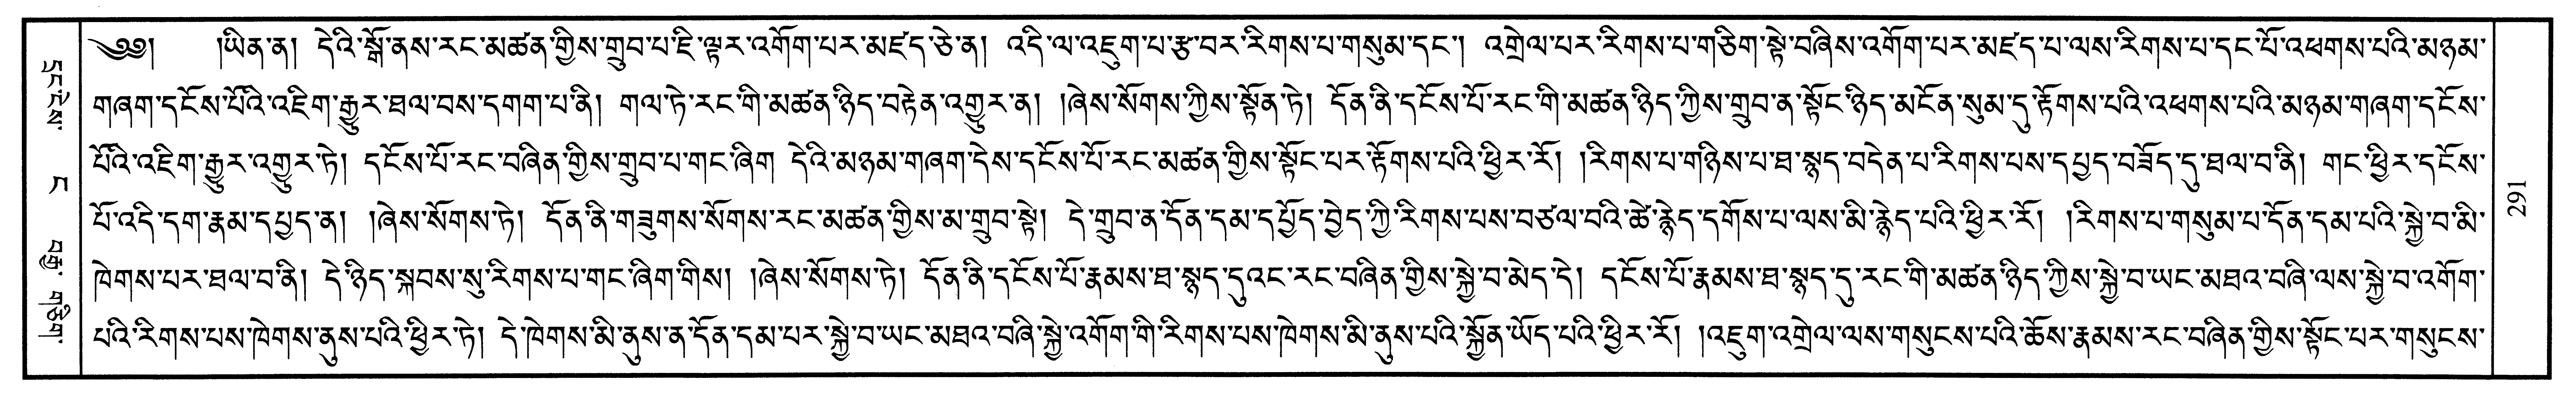༄༅། །ཡིན་ན། དེའི་སྒོ་ནས་རང་མཚན་གྱིས་གྲུབ་པ་ཇི་ལྟར་འགོག་པར་མཛད་ཅེ་ན། འདི་ལ་འཇུག་པ་རྩ་བར་རིགས་པ་གསུམ་དང་། འགྲེལ་པར་རིགས་པ་གཅིག་སྟེ་བཞིས་འགོག་པར་མཛད་པ་ལས་རིགས་པ་དང་པོ་འཕགས་པའི་མཉམ་
གཞག་དངོས་པོའི་འཇིག་རྒྱུར་ཐལ་བས་དགག་པ་ནི། གལ་ཏེ་རང་གི་མཚན་ཉིད་བརྟེན་འགྱུར་ན། །ཞེས་སོགས་ཀྱིས་སྟོན་ཏེ། དོན་ནི་དངོས་པོ་རང་གི་མཚན་ཉིད་ཀྱིས་གྲུབ་ན་སྟོང་ཉིད་མངོན་སུམ་དུ་རྟོགས་པའི་འཕགས་པའི་མཉམ་གཞག་དངོས་
པོའི་འཇིག་རྒྱུར་འགྱུར་ཏེ། དངོས་པོ་རང་བཞིན་གྱིས་གྲུབ་པ་གང་ཞིག །དེའི་མཉམ་གཞག་དེས་དངོས་པོ་རང་མཚན་གྱིས་སྟོང་པར་རྟོགས་པའི་ཕྱིར་རོ། །རིགས་པ་གཉིས་པ་ཐ་སྙད་བདེན་པ་རིགས་པས་དཔྱད་བཟོད་དུ་ཐལ་བ་ནི། གང་ཕྱིར་དངོས་
པོ་འདི་དག་རྣམ་དཔྱད་ན། །ཞེས་སོགས་ཏེ། དོན་ནི་གཟུགས་སོགས་རང་མཚན་གྱིས་མ་གྲུབ་སྟེ། དེ་གྲུབ་ན་དོན་དམ་དཔྱོད་བྱེད་ཀྱི་རིགས་པས་བཙལ་བའི་ཚེ་རྙེད་དགོས་པ་ལས་མི་རྙེད་པའི་ཕྱིར་རོ། །རིགས་པ་གསུམ་པ་དོན་དམ་པའི་སྐྱེ་བ་མི་
ཁེགས་པར་ཐལ་བ་ནི། དེ་ཉིད་སྐབས་སུ་རིགས་པ་གང་ཞིག་གིས། །ཞེས་སོགས་ཏེ། དོན་ནི་དངོས་པོ་རྣམས་ཐ་སྙད་དུའང་རང་བཞིན་གྱིས་སྐྱེ་བ་མེད་དེ། དངོས་པོ་རྣམས་ཐ་སྙད་དུ་རང་གི་མཚན་ཉིད་ཀྱིས་སྐྱེ་བ་ཡང་མཐའ་བཞི་ལས་སྐྱེ་བ་འགོག་
པའི་རིགས་པས་ཁེགས་ནུས་པའི་ཕྱིར་ཏེ། དེ་ཁེགས་མི་ནུས་ན་དོན་དམ་པར་སྐྱེ་བ་ཡང་མཐའ་བཞི་སྐྱེ་འགོག་གི་རིགས་པས་ཁེགས་མི་ནུས་པའི་སྐྱོན་ཡོད་པའི་ཕྱིར་རོ། །འཇུག་འགྲེལ་ལས་གསུངས་པའི་ཆོས་རྣམས་རང་བཞིན་གྱིས་སྟོང་པར་གསུངས་